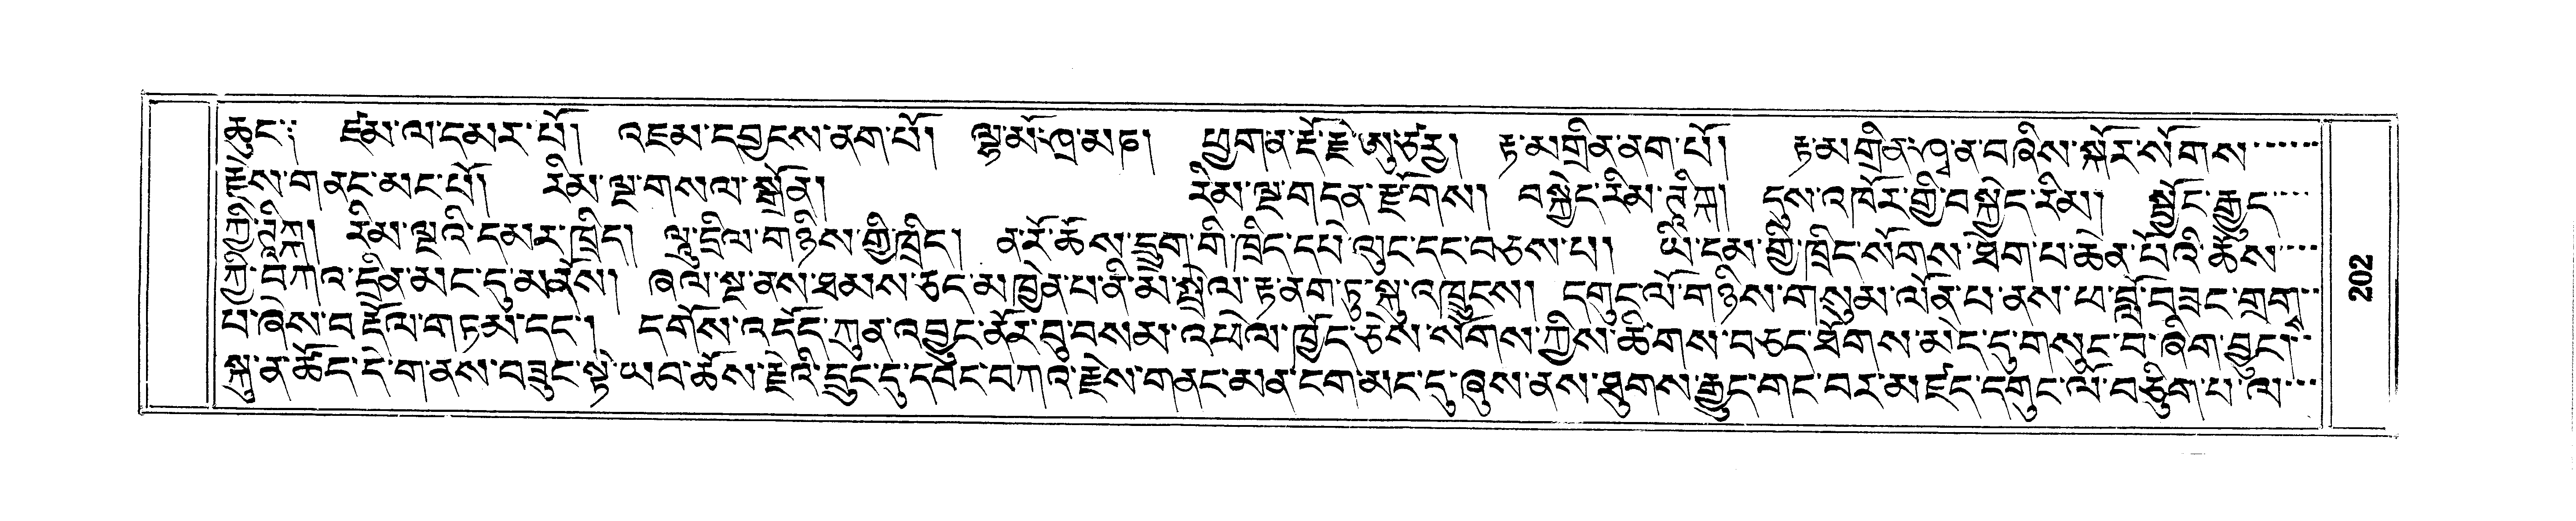ཆུང༑ ཛམ་ལ་དམར་པོ། འཇམ་དབྱངས་ནག་པོ། ལྷ་མོ་ཤྲ་མཎ། ཕྱག་ན་རྡོ་རྗེ་ཨུ་ཙརྱ། རྟ་མགྲིན་ནག་པོ། རྟ་མགྲིན་ཤྭ་ན་བཞིས་སྐོར་སོགས་
རྗེས་གནང་མང་པོ། རིམ་ལྔ་གསལ་སྒྲོན། རིམ་ལྔ་གདན་རྫོགས། བསྐྱེད་རིམ་ཊཱིཀྐ། དུས་འཁོར་གྱི་བསྐྱེད་རིམ། སྦྱོང་རྒྱུད་
ཀྱི་ཊཱིཀྐ། རིམ་ལྔའི་དམར་ཁྲིད། ལཱུ་དྲིལ་གཉིས་གྱི་ཁྲིད། ན་རོ་ཆོས་དྲུག་གི་ཁྲིད་དཔེ་ལུང་དང་བཅས་པ། ཡི་དམ་གྱི་ཁྲིད་སོགས་ཐེག་པ་ཆེན་པོའི་ཆོས་
ཀྱི་བཀའ་དྲིན་མང་དུ་མནོས། ཞལ་སྔ་ནས་ཐམས་ཅད་མཁྱེན་པ་ནི་མེ་སྤྲེལ་རྟ་ནག་ཏུ་སྐུ་འཁྲུངས། དགུང་ལོ་གཉིས་གསུམ་ལོན་པ་ནས་ཕ་བློ་བཟང་གྲགས་
པ་ཞེས་བརྡོལ་གཏམ་དང་། དགོས་འདོད་ཀུན་འབྱུང་ནོར་བུ་བསམ་འཕེལ་ཁྱོད་ཅེས་སོགས་ཀྱིས་ཚིགས་བཅད་ཐོགས་མེད་དུ་གསུང་བ་ཞིག་བྱུང་།
སྐུ་ན་ཚོད་དེ་གནས་བཟུང་སྟེ་ཡབ་ཆོས་རྗེའི་དྲུང་དུ་དབང་བཀའ་རྗེས་གནང་མན་ངག་མང་དུ་ཞུས་ནས་ཐུགས་རྒྱུད་གང་བར་མཛད་དགུང་ལོ་བཅུ་གཅིག་པ་ལ་